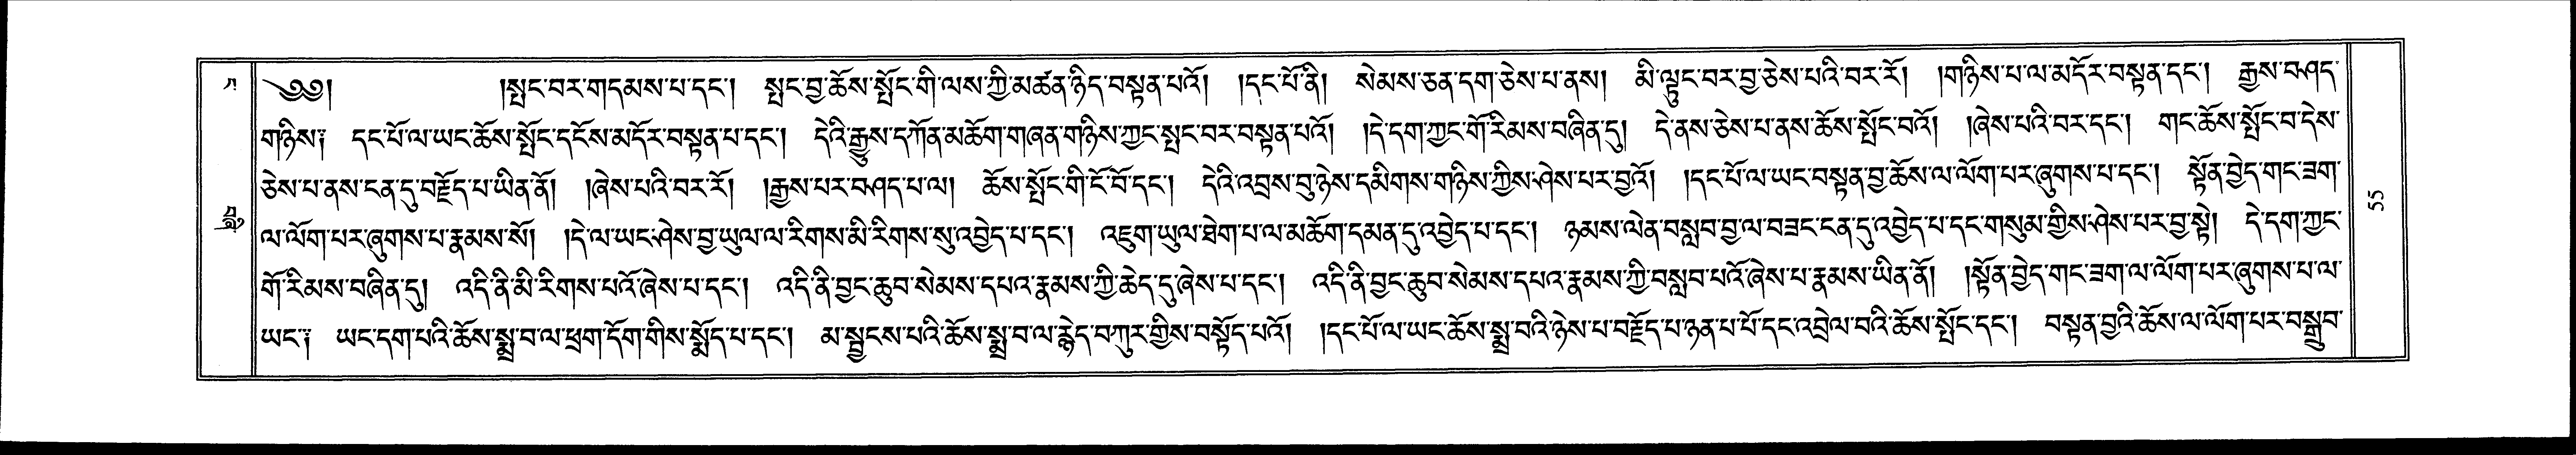༄༅། །སྤང་བར་གདམས་པ་དང་། སྤང་བྱ་ཆོས་སྤོང་གི་ལས་ཀྱི་མཚན་ཉིད་བསྟན་པའོ། །དང་པོ་ནི། སེམས་ཅན་དག་ཅེས་པ་ནས། མི་ལྟུང་བར་བྱ་ཅེས་པའི་བར་རོ། །གཉིས་པ་ལ་མདོར་བསྟན་དང་། རྒྱས་བཤད་
གཉིས། དང་པོ་ལ་ཡང་ཆོས་སྤོང་དངོས་མདོར་བསྟན་པ་དང་། དེའི་རྒྱུས་དཀོན་མཆོག་གཞན་གཉིས་ཀྱང་སྤང་བར་བསྟན་པའོ། །དེ་དག་ཀྱང་གོ་རིམས་བཞིན་དུ། དེ་ནས་ཅེས་པ་ནས་ཆོས་སྤོང་བའོ། །ཞེས་པའི་བར་དང་། གང་ཆོས་སྤོང་བ་དེས་
ཅེས་པ་ནས་ངན་དུ་བརྗོད་པ་ཡིན་ནོ། །ཞེས་པའི་བར་རོ། །རྒྱས་པར་བཤད་པ་ལ། ཆོས་སྤོང་གི་ངོ་བོ་དང་། དེའི་འབྲས་བུ་ཉེས་དམིགས་གཉིས་ཀྱིས་ཤེས་པར་བྱའོ། །དང་པོ་ལ་ཡང་བསྟན་བྱ་ཆོས་ལ་ལོག་པར་ཞུགས་པ་དང་། སྟོན་བྱེད་གང་ཟག་
ལ་ལོག་པར་ཞུགས་པ་རྣམས་སོ། །དེ་ལ་ཡང་ཤེས་བྱ་ཡུལ་ལ་རིགས་མི་རིགས་སུ་འབྱེད་པ་དང་། འཇུག་ཡུལ་ཐེག་པ་ལ་མཆོག་དམན་དུ་འབྱེད་པ་དང་། ཉམས་ལེན་བསླབ་བྱ་ལ་བཟང་ངན་དུ་འབྱེད་པ་དང་གསུམ་གྱིས་ཤེས་པར་བྱ་སྟེ། དེ་དག་ཀྱང་
གོ་རིམས་བཞིན་དུ། འདི་ནི་མི་རིགས་པའོ་ཞེས་པ་དང་། འདི་ནི་བྱང་ཆུབ་སེམས་དཔའ་རྣམས་ཀྱི་ཆེད་དུ་ཞེས་པ་དང་། འདི་ནི་བྱང་ཆུབ་སེམས་དཔའ་རྣམས་ཀྱི་བསླབ་པའོ་ཞེས་པ་རྣམས་ཡིན་ནོ། །སྟོན་བྱེད་གང་ཟག་ལ་ལོག་པར་ཞུགས་པ་ལ་
ཡང་། ཡང་དག་པའི་ཆོས་སྨྲ་བ་ལ་ཕྲག་དོག་གིས་སྨོད་པ་དང་། མ་སྦྱངས་པའི་ཆོས་སྨྲ་བ་ལ་རྙེད་བཀུར་གྱིས་བསྟོད་པའོ། །དང་པོ་ལ་ཡང་ཆོས་སྨྲ་བའི་ཉེས་པ་བརྗོད་པ་ཉན་པ་པོ་དང་འབྲེལ་བའི་ཆོས་སྤོང་དང་། བསྟན་བྱའི་ཆོས་ལ་ལོག་པར་བསྒྲུབ་